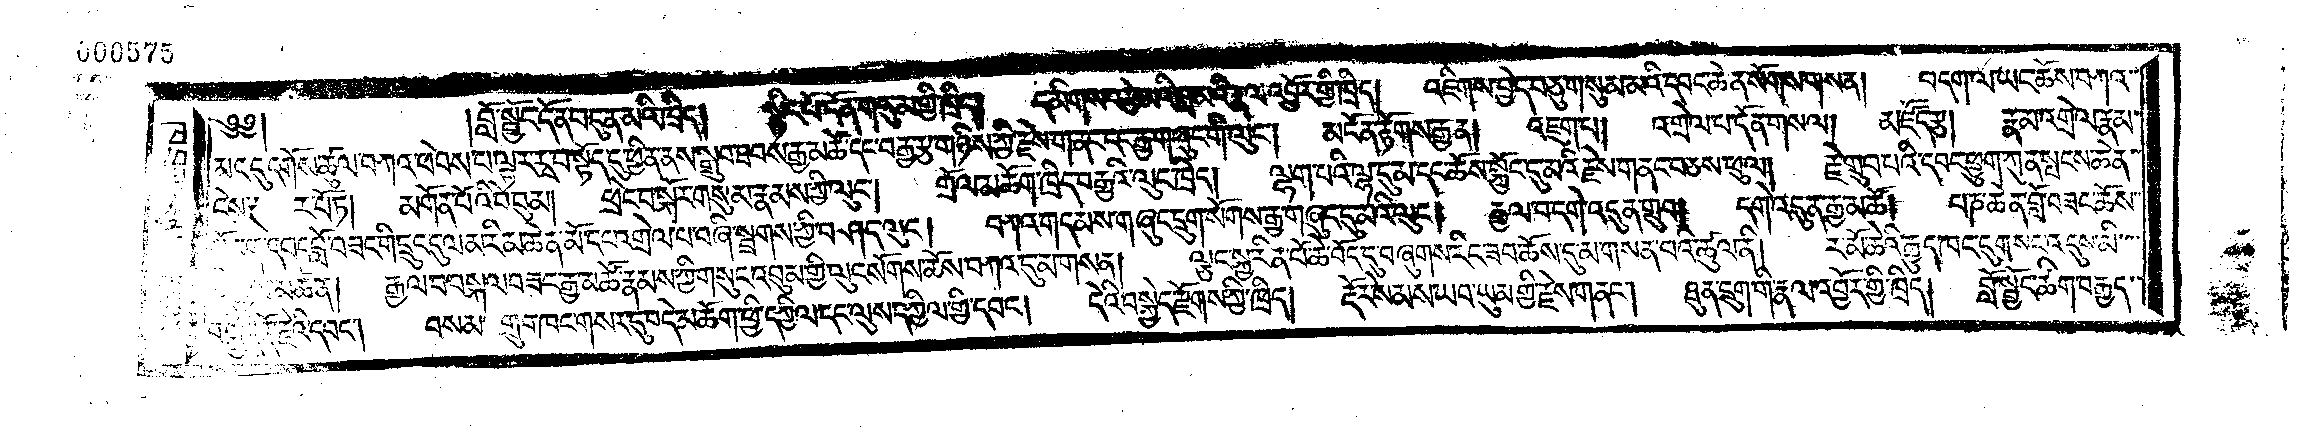༄༅། །བློ་སྦྱོང་དོན་བདུན་མའི་ཁྲིད། སྙིང་པོ་དོན་གསུམ་གྱི་ཁྲིད། དམིགས་བརྩེ་མའི་བླ་མའི་རྣལ་འབྱོར་གྱི་ཁྲིད། འཇིགས་བྱེད་བཅུ་གསུམ་མའི་དབང་ཆེན་སོགས་གསན། བདག་ལ་ཡང་ཆོས་བཀའ་
མང་དུ་དགོས་ཚུལ་བཀའ་ཕེབས་པ་ལྟར་རྭ་བ་སྟོད་དུ་ཕྱིན་ནས་སྒྲུབ་ཐབས་རྒྱ་མཚོ་དང་བརྒྱ་རྩ་གཉིས་ཀྱི་རྗེས་གནང་དང་རྒྱ་གཞུང་གི་ལུང་། མངོན་རྟོགས་རྒྱན། འཇུག་པ། འགྲེལ་པ་དོན་གསལ། མཛོད་རྩ། རྣམ་འགྲེལ་རྣམ་
ངེས༑ ར་པོཏ། མགོན་པོའི་བེ་བུམ། ཕྲེང་བ་སྐོར་གསུམ་རྣམས་ཀྱི་ལུང་། གྲོལ་མཆོག་ཁྲིད་བརྒྱའི་ལུང་ཁྲིད། ལྷག་པའི་ལྷ་དུ་མ་དང་ཆོས་སྐྱོང་དུ་མའི་རྗེས་གནང་བཅས་ཕུལ། རྗེ་གྲུབ་པའི་དབང་ཕྱུག་ཀུན་སྤངས་ཆེན་
པོ་ངག་དབང་བློ་བཟང་གི་དྲུང་དུ་ལམ་རིམ་ཆེན་མོ་དང་འགྲེལ་བ་བཞི་སྦྲགས་ཀྱི་བཤད་ལུང་། བཀའ་གདམས་གཞུང་དྲུག་སོགས་རྒྱ་གཞུང་དུ་མའི་ལུང་། རྒྱལ་བ་དགེ་འདུན་གྲུབ། དགེ་འདུན་རྒྱ་མཚོ། པཎ་ཆེན་བློ་བཟང་ཆོས་
ཀྱི་རྒྱལ་མཚན། རྒྱལ་བ་བསྐལ་བཟང་རྒྱ་མཚོ་རྣམས་ཀྱི་གསུང་འབུམ་གྱི་ལུང་སོགས་ཆོས་བཀའ་དུ་མ་གསན། ལྕང་སྐྱ་རིན་པོ་ཆེ་བོད་དུ་བཞུགས་རིང་ཟབ་ཆོས་དུ་མ་གསན་པའི་ཚུལ་ནི། ར་མོ་ཆེའི་རྒྱུད་ཁང་དུ་གསང་འདུས་མི་
བསྐྱོད་རྡོ་རྗེའི་དབང་། བསམ་གྲུབ་ཁང་གསར་དུ་བདེ་མཆོག་ཕྱི་དཀྱིལ་དང་ལུས་དཀྱིལ་གྱི་དབང་། དེའི་བསྐྱེད་རྫོགས་ཀྱི་ཁྲིད། རྡོར་སེམས་ཡབ་ཡུམ་གྱི་རྗེས་གནང་། ཐུན་དྲུག་གི་རྣལ་འབྱོར་གྱི་ཁྲིད། བློ་སྦྱོང་ཚིག་བརྒྱད་